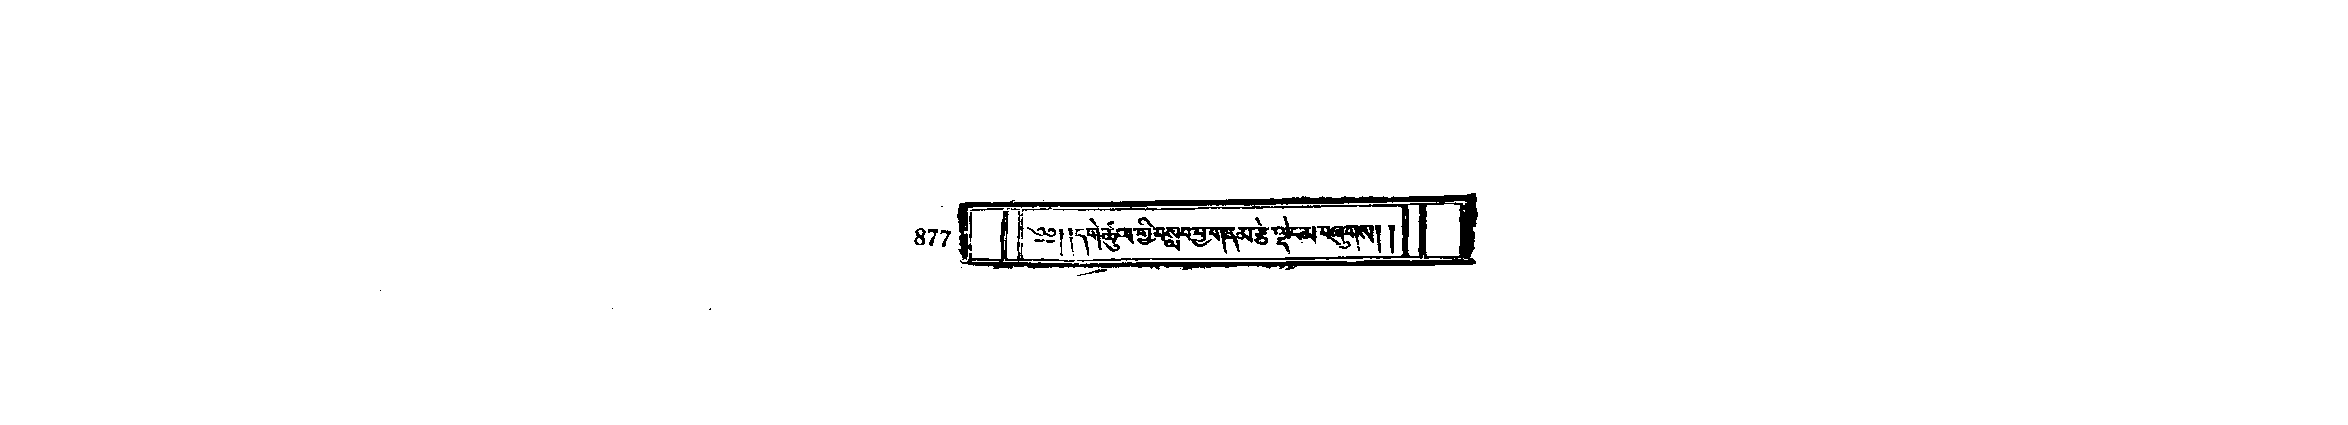༄༅། །དགེ་ཚུལ་གྱི་བསླབ་བྱ་གནམ་རྩེ་ལྡེང་མ་བཞུགས། །